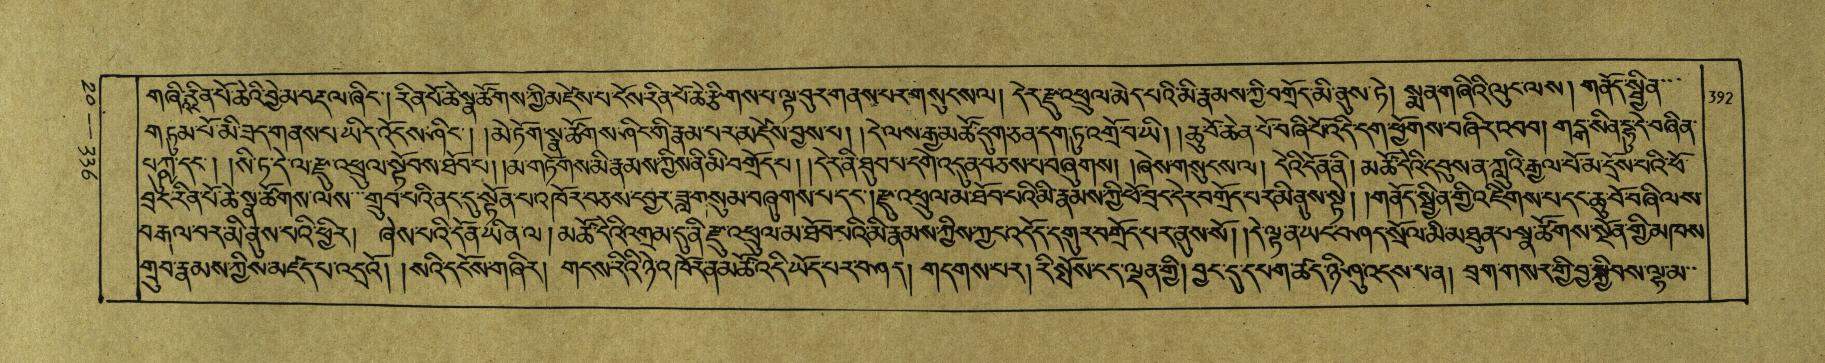གཞི་འང་རིན་པོ་ཆེའི་བྱེ་མ་བརྡལ་ཞིང་། རིན་པོ་ཆེ་སྣ་ཚོགས་ཀྱི་མཛེས་པ་དོས་རིན་པོ་ཆེ་རྩིགས་པ་ལྟ་བུར་གནས་པར་གསུངས་ལ། དེར་རྫུ་འཕྲུལ་མེད་པའི་མི་རྣམས་ཀྱི་བགྲོད་མི་ནུས་ཏེ། སྨན་གཞིའི་ལུང་ལས། གནོད་སྦྱིན་
གཏུམ་པོ་མི་ཟད་གནས་པ་ཡིད་འོངས་ཤིང་། །མེ་ཏོག་སྣ་ཚོགས་ཤིང་གི་རྣམ་པར་མཛེས་བྱས་པ། །དེ་ལས་རྒྱ་མཚོ་དུག་ཅན་དག་ཏུ་འགྲོ་བ་ཡི། །ཆུ་བོ་ཆེན་པོ་བཞི་པོ་འདི་དག་ཕྱོགས་བཞིར་འབབ། གངྒ་སིན་དྷུ་དེ་བཞིན་
པཀྵུ་དང་། །སི་ཏ་དེ་ལ་རྫུ་འཕྲུལ་སྟོབས་ཐོབ་པ། །མ་གཏོགས་མི་རྣམས་ཀྱིས་ནི་མི་བགྲོད་པ། །དེར་ནི་ཐུབ་པ་དགེ་འདུན་བཅས་པ་བཞུགས། །ཞེས་གསུངས་ལ། དེའི་དོན་ནི། མཚོ་དེའི་དབུས་ན་ཀླུའི་རྒྱལ་པོ་མ་དྲོས་པའི་ཕོ་
བྲང་རིན་པོ་ཆེ་སྣ་ཚོགས་ལས་གྲུབ་པའི་ནང་དུ་སྟོན་པ་འཁོར་བཅས་དབྱར་ཟླ་གསུམ་བཞུགས་པ་དང་། རྫུ་འཕྲུལ་མ་ཐོབ་པའི་མི་རྣམས་ཀྱི་ཕོ་བྲང་དེར་བགྲོད་པར་མི་ནུས་སྟེ། །གནོད་སྦྱིན་གྱི་འཇིགས་པ་དང་ཆུ་བོ་བཞི་ལས་
བརྒལ་བར་མི་ནུས་པའི་ཕྱིར། ཞེས་པའི་དོན་ཡིན་ལ། མཚོ་དེའི་འགྲམ་དུ་ནི་རྫུ་འཕྲུལ་མ་ཐོབ་པའི་མི་རྣམས་ཀྱིས་ཀྱང་འདོད་དགུར་བགྲོད་པར་ནུས་སོ། །དེ་ལྟ་ན་ཡང་བཤད་སྲོལ་མི་མཐུན་པ་སྣ་ཚོགས་སྔོན་གྱི་མཁས་
གྲུབ་རྣམས་ཀྱིས་མཛད་པ་འདྲའོ། །སའི་དངོས་གཞིར། གངས་རིའི་ཉེ་འཁོར་ན་མཚོ་འདི་ཡོད་པར་བཤད། གདགས་པར། རི་སྤོས་ངད་ལྡན་གྱི། བྱང་དུ་དཔག་ཚད་ཉི་ཤུ་འདས་པ་ན། བྲག་གསར་གྱི་བྱ་སྐྱིབས་ལྷ་མ་